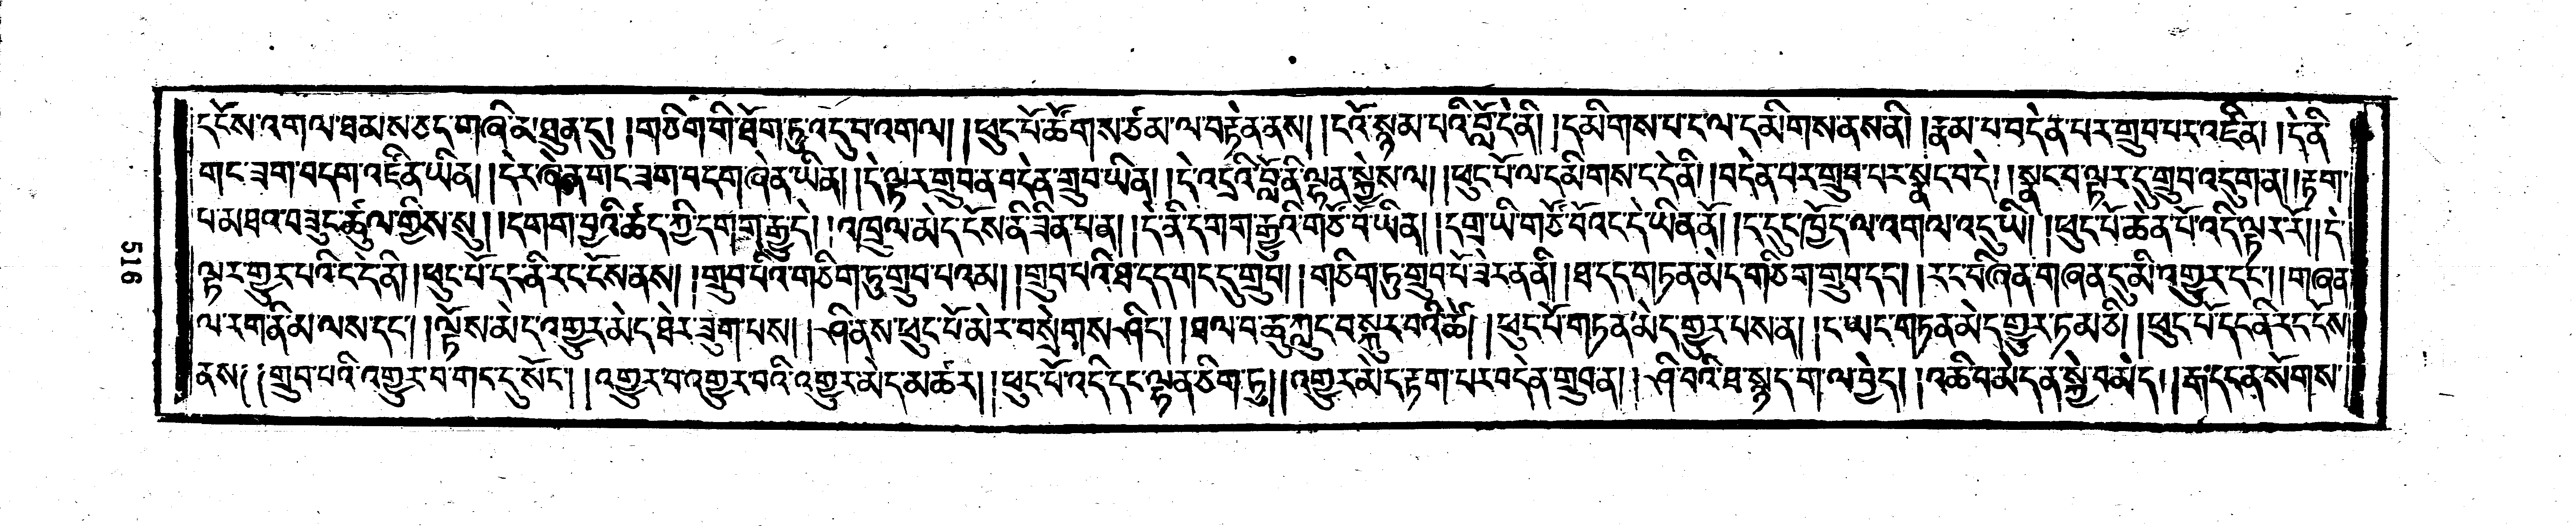དངོས་འགལ་ཐམས་ཅད་གཞི་མཐུན་དུ། །གཅིག་གི་ཐོག་ཏུ་འདུ་བ་འགལ། །ཕུང་པོ་ཚོགས་ཙམ་ལ་བརྟེན་ནས། །ངའོ་སྙམ་པའི་བློ་དེ་ནི། །དམིགས་པ་ང་ལ་དམིགས་ནས་ནི། །རྣམ་པ་བདེན་པར་གྲུབ་པར་འཛིན། །དེ་ནི་
གང་ཟག་བདག་འཛིན་ཡིན། །དེར་ཞེན་གང་ཟག་བདག་ཞེན་ཡིན། །དེ་ལྟར་གྲུབ་ན་བདེན་གྲུབ་ཡིན། །དེ་འདྲའི་བློ་ནི་ལྷན་སྐྱེས་ལ། །ཕུང་པོ་ལ་དམིགས་ང་དེ་ནི། །བདེན་པར་གྲུབ་པར་སྣང་བ་དེ། །སྣང་བ་ལྟར་དུ་གྲུབ་འདུག་ན། །རྟག་
པ་མཐའ་བཟུང་ཚུལ་གྱིས་སུ། །དགག་བྱའི་ཚད་ཀྱི་དགག་རྒྱུ་དེ། །འཁྲུལ་མེད་ངོས་ནི་ཟིན་པ་ན། །དེ་ནི་དགག་རྒྱུའི་གཙོ་བོ་ཡིན། །དགྲ་ཡི་གཙོ་པོའང་དེ་ཡིན་ནོ། །ད་དུང་ཁྱོད་ལ་འགལ་འདུ་ཡི། །ཕུང་པོ་ཆེན་པོ་འདི་ལྟར་རོ། །དེ་
ལྟར་གྱུར་པའི་ང་དེ་ནི། །ཕུང་པོ་དང་ནི་རང་ངོས་ནས། །གྲུབ་པའི་གཅིག་ཏུ་གྲུབ་པའམ། །གྲུབ་པའི་ཐ་དད་གང་དུ་གྲུབ། །གཅིག་ཏུ་གྲུབ་པོ་ཟེར་ན་ནི། །ཐ་དད་གཏན་མེད་གཅིག་གྲུབ་དང་། །རང་བཞིན་གཞན་དུ་མི་འགྱུར་དང་། །གཞན་
ལ་རག་ནི་མ་ལས་དང་། །ལྟོས་མེད་འགྱུར་མེད་ཐེར་ཟུག་པས། །ཤི་ནས་ཕུང་པོ་མེར་བསྲེགས་ཤིང་། །ཐལ་བ་ཆུ་ཀླུང་བསྐུར་བའི་ཚེ། །ཕུང་པོ་གཏན་མེད་གྱུར་པས་ན། །ང་ཡང་གཏན་མེད་གྱུར་ཏམ་ཅི། །ཕུང་པོ་དང་ནི་རང་ངོས་
ནས༑ ༑གྲུབ་པའི་འགྱུར་བ་གང་དུ་སོང་། །འགྱུར་བ་འགྱུར་བའི་འགྱུར་མེད་མཚར། །ཕུང་པོ་འདི་དང་ལྷན་ཅིག་ཏུ། །འགྱུར་མེད་རྟག་པར་བདེན་གྲུབ་ན། །ཤི་བར་ཐ་སྙད་ག་ལ་བྱེད། །འཆི་བ་མེད་ན་སྐྱེ་བ་མེད། །རྒ་དང་ན་སོགས་